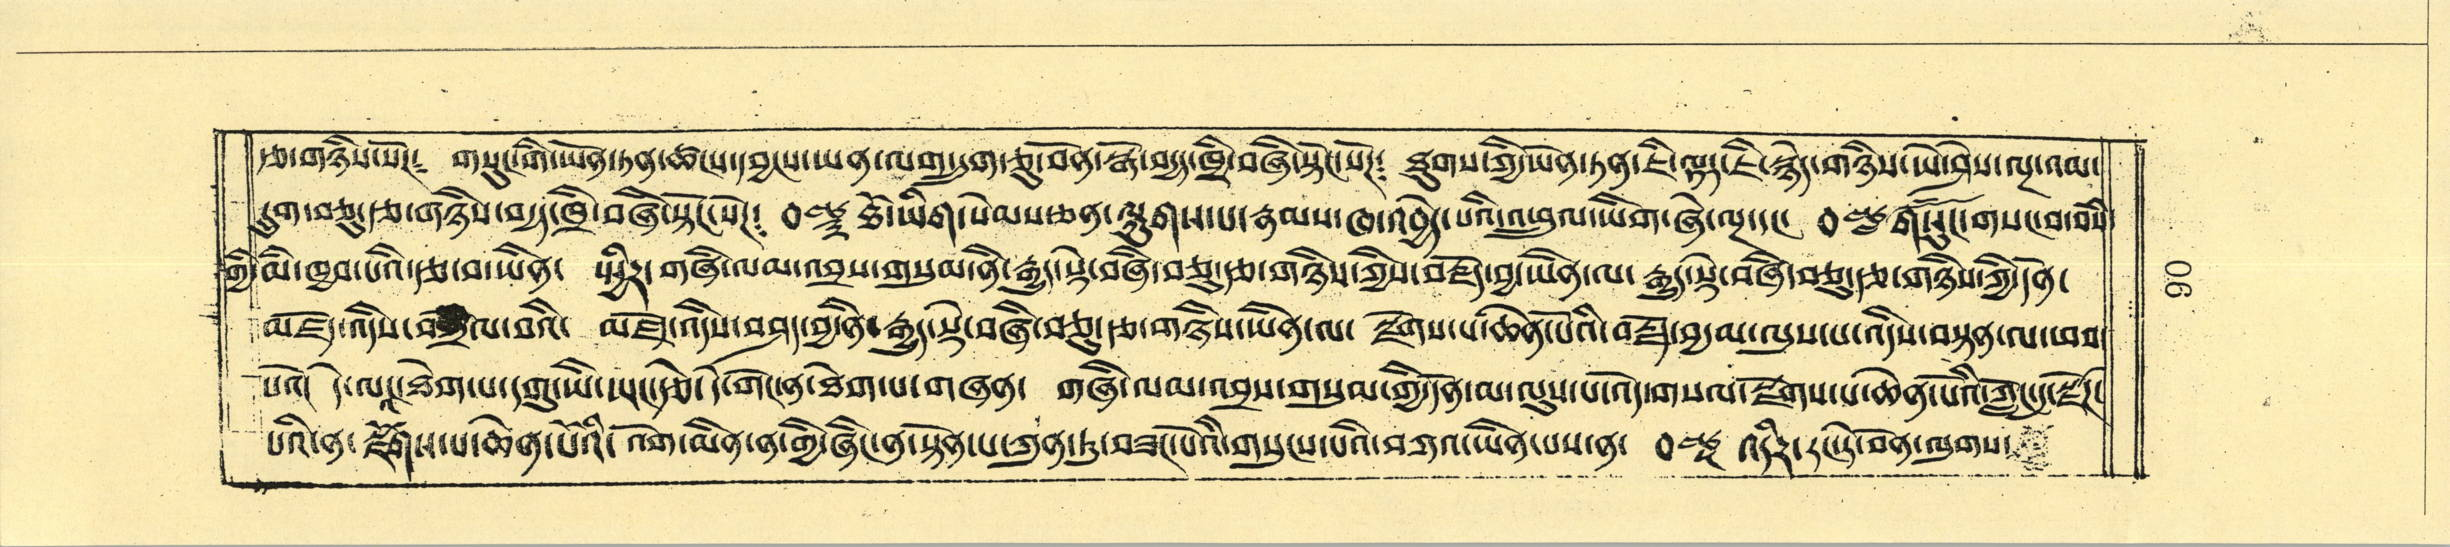རྩ་གཉིས་སོགས། གསུང་གི་ཡོན་ཏན་ཚངས་དབྱངས་ཡན་ལག་དྲུག་ཅུ་བོན་སྒོ་བརྒྱད་ཁྲི་བཞི་སྟོང་སོགས་ཐུགས་ཀྱི་ཡོན་ཏན་ཇི་ལྟ་ཇི་སྙེད་གཉིས་ཡི་ཤེས་ལྔ་འམ་དྲུག་ཅུ་རྩ་གཉིས་བརྒྱད་ཁྲི་བཞི་སྟོང་སོགས། ཐུགས་ཀྱི་ཡོན་ཏན་ཇི་ལྟ་ཇི་སྙེད་གཉིས་ཡེ་ཤེས་ལྔའམ་
དྲུག་ཅུ་རྩ་གཉིས་བརྒྱད་ཁྲི་བཞི་སྟོང་སོགས། བ༤༦།༣༼ཐོ་ཡིག༽སེམས་ཅན་༼ལྐུགས་པ༽རྣམས་༼ཁ་འབྱེད༽པའི་འཕྲུལ་ཡིག་ཞེ་ལྔ་དང་བ༤༦།༤༼གསུང༽གསང་བ་བསམ་
མི་ཁྱབ་པའི་རྩ་བ་ཡིན་༼སྤྱིར༽གཞི་ལམ་འབྲས་བུ་གསུམ་ནི་རྒྱུད་སྡེ་བཞི་བཅུ་རྩ་གཉིས་ཀྱིས་བརྗོད་བྱ་ཡིན་ལ། རྒྱུད་སྡེ་བཞི་བཅུ་རྩ་གཉིས་ཀྱི་དོན་
མཛོད་འདིས་བཀྲལ་བའི་མཛོད་འདིའི་བཤད་བྱ་ནི་རྒྱུད་སྡེ་བཞི་བཅུ་རྩ་གཉིས་ཡིན་ལ་རྫོགས་པ་ཆེན་པོའི་བརྗོད་བྱ་མ་ལུས་པ་འདིས་གཏན་ལ་ཕབ་
པའོ། དེ་ལའང་ཐེག་པ་དགུ་ཡི་༼ཡང་རྩེ་༽དེ་གོང་ན་ཐེག་པ་གཞན་གཞི་ལམ་འབྲས་གསུམ་གྱི་དོན་མ་ལུས་པ་འོད་གསལ་རྫོགས་པ་ཆེན་པོའི་ཀློང་དུ་རྫོགས་
པས་ན་༼རྫོགས་པ་ཆེན་པོའི༽འོག་མིན་གྱི་ཞིང་ན་སྟོན་པ་ཀུན་ཏུ་བཟང་པོས་གསུངས་པའི་བཀའ་ཡིན་པས་ན་བ༤༦།༥༼འདིར༽རང་རེ་བོན་ལུགས་པ་